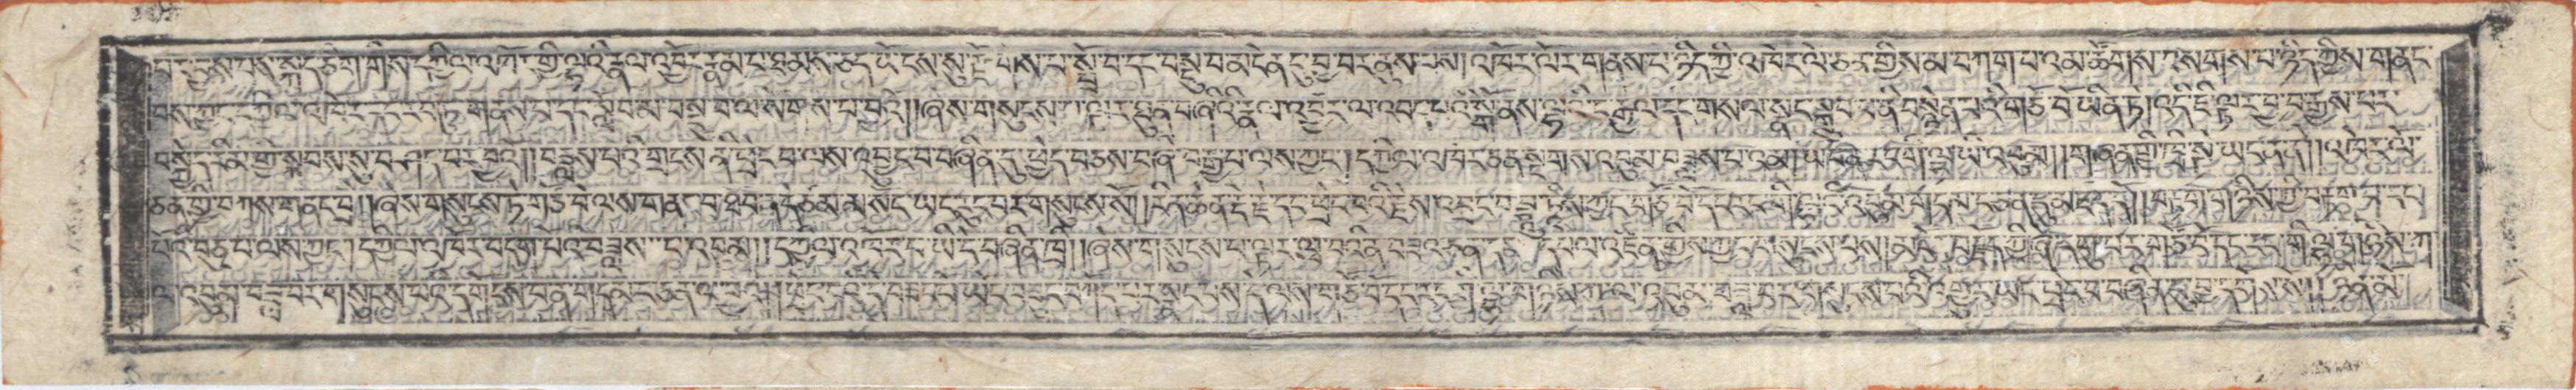པར་བྱས་པས་སྐད་ཅིག་གིས་དཀྱིལ་འཁོར་གྱི་ལྷའི་རྣལ་འབྱོར་རྣམ་པ་ཐམས་ཅད་ཡོངས་སུ་རྫོགས་པ་སྤྲོ་བ་དང་བསྡུ་བ་མངོན་དུ་བྱ་བར་ནུས་པས། འཁོར་ལོར་གནས་པ་ཉིད་ཀྱི་འཁོར་ལོ་ཅན་གྱིས་མ་བཀག་པ་འམ་ཚོགས་བསགས་པ་ཉིད་ཀྱིས་གནང་
བས་ཀྱང་དཀྱིལ་འཁོར་དང་རབ་ཏུ་གནས་པ་དང་སློབ་མ་བསྡུ་བ་ལ་སོགས་པ་བྱའོ། །ཞེས་གསུངས་པ་ལྟར་ཐུན་བཞིའི་རྣལ་འབྱོར་ལ་འབད་པའི་སྒོ་ནས་ལྷའི་ང་རྒྱལ་དང་གསལ་སྣང་སྒྲུབ་པ་ནི་བསྙེན་པའི་གཙོ་བོ་ཡིན་ཏེ། འདི་ཇི་ལྟར་བྱ་བ་རྒྱས་པར་
བསྐྱེད་རིམ་གྱི་སྐབས་སུ་བཤད་པར་བྱའོ། །བཟླས་པའི་གྲངས་ནི་ཕྲེང་བ་ལས་འབྱུང་བ་བཞིན་དུ་ཕྱེད་བཅས་བཞི་བརྒྱ་པ་ལས་ཀྱང་། དཀྱིལ་འཁོར་ཅན་སྔགས་འབུམ་བཟླས་པའམ། ཡང་ན་རང་གི་ལྷ་ཡི་འབུམ། །གཞན་གྱི་ཁྲི་སྟེ་ཡང་ན་ནི། །འཁོར་ལོ་
ཅན་གྱི་བཀས་གནང་བྲི། །ཞེས་གསུངས་ཏེ་གཙོ་བོ་ལས་གནང་བ་ཐོབ་ན་དེ་ཙམ་མ་སོང་ཡང་རུང་བར་གསུངས་སོ། །རིན་ཆེན་རྡོ་རྗེ་དང་ཕྲེང་བའི་རྗེས་འབྲང་བི་བྷཱུ་ཏཱིས་ཀྱང་གཙོ་བོ་དང་རང་གི་ལྷའི་འབུམ་གདམ་པ་ཅན་དུ་མཛད་དོ། །བརྟག་གཉིས་ཀྱི་བརྟག་པ་དང་
པོའི་བཅུ་པ་ལས་ཀྱང་། དཀྱིལ་འཁོར་བདག་པོའི་བཟླས་པ་འབུམ། །དཀྱིལ་འཁོར་པ་ཡི་དེ་བཞིན་ཁྲི། །ཞེས་གསུངས་པ་ལྟར་ལྭ་བའི་ན་བཟའ་ཅན་དང་དཔལ་འཛིན་གྱིས་ཀྱང་གསུངས་པས། མངོན་བརྗོད་ཀྱི་ཞེ་དགུ་བར་གཙོ་བོ་དང་རང་གི་ལྷ་གཉིས་ཀ་
ལ་འབུམ་བཟླ་བར་གསུངས་པའི་དགོངས་པ་ན་གདམ་ང་ཅན་ལ་བྱའོ། །ཕྲེང་བའི་དེ་བཟང་པོ་ཡོང་བཟུང་བཀོད་པར་སྣང་བས་དེ་ལས་གཙོ་བོ་དང་རང་གི་ལྷ་གཉིས་ཀ་ལ་འབུམ་བཟླ་བར་གསུངས་པའི་འགྱུར་ཡང་ཕྲེང་བ་བཞིན་དུ་བྱ་དགོས་སོ། །ཉིན་མོ་